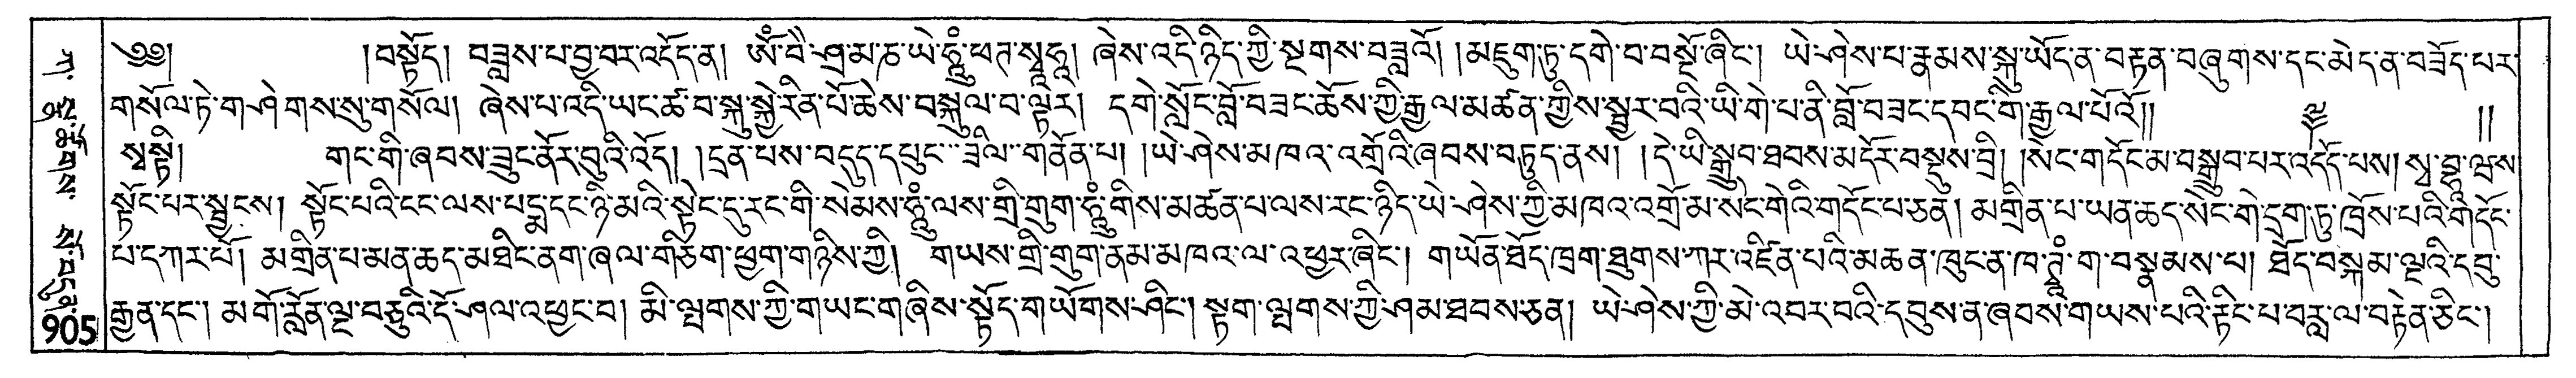༄༅། །བསྟོད། བཟླས་པ་བྱ་བར་འདོད་ན། ཨོཾ་བཻ་ཤྲ་མ་ཎ་ཡེ་ཧཱུཾ་ཕཊ་སྭཱ་ཧཱ། ཞེས་འདི་ཉིད་ཀྱི་སྔགས་བཟླའོ། །མཇུག་ཏུ་དགེ་བ་བསྔོ་ཞིང་། ཡེ་ཤེས་པ་རྣམས་སྐུ་ཡོད་ན་བརྟན་བཞུགས་དང་མེད་ན་བཟོད་པར་
གསོལ་ཏེ་གཤེགས་སུ་གསོལ། ཞེས་པ་འདི་ཡང་ཚ་བ་སྐུ་སྐྱེ་རིན་པོ་ཆེས་བསྐུལ་བ་ལྟར། དགེ་སློང་བློ་བཟང་ཆོས་ཀྱི་རྒྱལ་མཚན་གྱིས་སྦྱར་བའི་ཡི་གེ་པ་ནི་བློ་བཟང་དབང་གི་རྒྱལ་པོའོ།། ༈ །།
སྭ་སྟི། གང་གི་ཞབས་ཟུང་ནོར་བུའི་འོད། །དྲན་པས་བདུད་དཔུང་ཟིལ་གནོན་པ། །ཡེ་ཤེས་མཁའ་འགྲོའི་ཞབས་བཏུད་ནས། །དེ་ཡི་སྒྲུབ་ཐབས་མདོར་བསྡུས་བྲི། །སེང་གདོང་མ་བསྒྲུབ་པར་འདོད་པས། སྭ་བྷཱ་ཝས་
སྟོང་པར་སྦྱངས། སྟོང་པའི་ངང་ལས་པདམ་དང་ཉི་མའི་སྟེང་དུ་རང་གི་སེམས་ཧཱུཾ་ལས་གྲི་གུག་ཧཱུཾ་གིས་མཚན་པ་ལས་རང་ཉིད་ཡེ་ཤེས་ཀྱི་མཁའ་འགྲོ་མ་སེང་གེའི་གདོང་པ་ཅན། མགྲིན་པ་ཡན་ཆད་སེང་གེ་དྲག་ཏུ་ཁྲོས་པའི་གདོང་
པ་དཀར་པོ། མགྲིན་པ་མན་ཆད་མཐིང་ནག་ཞལ་གཅིག་ཕྱག་གཉིས་ཀྱི། གཡས་གྲི་གུག་ནམ་མཁའ་ལ་འཕྱར་ཞིང་། གཡོན་ཐོད་ཁྲག་ཐུགས་ཀར་འཛིན་པའི་མཆན་ཁུང་ན་ཁ་ཊྭཱཾ་ག་བསྣམས་པ། ཐོད་བསྐམ་ལྔའི་དབུ་
རྒྱན་དང་། མགོ་རློན་ལྔ་བཅུའི་དོ་ཤལ་འཕྱང་བ། མི་ལྤགས་ཀྱི་གཡང་གཞིས་སྟོད་གཡོགས་ཤིང་། སྟག་ལྤགས་ཀྱི་ཤམ་ཐབས་ཅན། ཡེ་ཤེས་ཀྱི་མེ་འབར་བའི་དབུས་ན་ཞབས་གཡས་པའི་རྟིང་པ་བརླ་ལ་བརྟེན་ཅིང་།